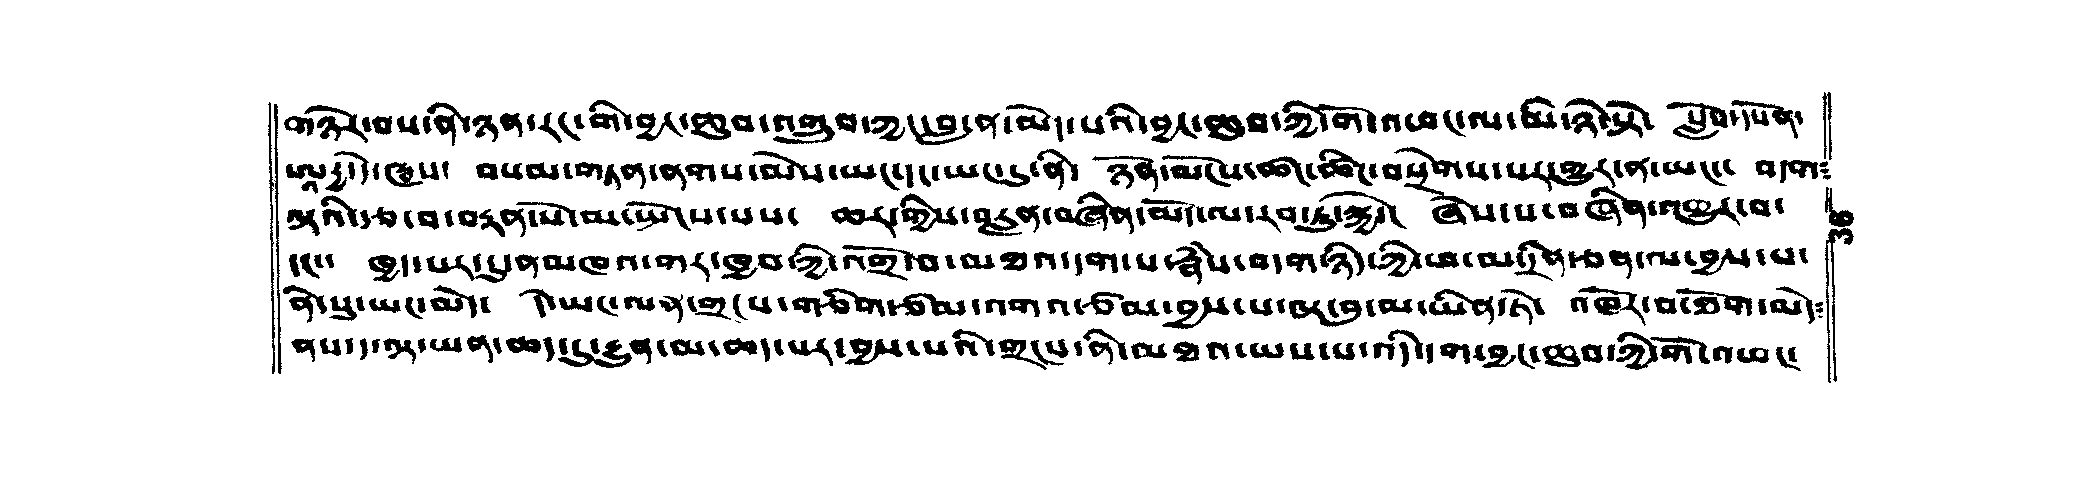གཉེར་བས་ནི་ཉ་རང་གི་བྱང་ཆུབ་འགྲུབ་ཀྱང་བླ་ན་མེད་པའི་བྱང་ཆུབ་ཀྱི་གོ་འཕང་ལ་མི་ཉེ་སྟེ། སློབ་དཔོན་
ཨཱརྻ་དེ་ཝས། བསམ་གཏན་ནགས་མེས་ཡང་དང་ཡང་དུ་ནི། ཉོན་མོངས་ཚང་ཚིང་བསྲེགས་པར་གྱུར་ན་ཡང་།བདག་
ལྟའི་རྩ་བ་བརྟན་པོ་མ་སྤོངས་པས། ཆར་གྱིས་བརླན་བཞིན་མོད་ལ་རབ་ཏུ་སྐྱེ། ཞེས་པ་བཞིན་འགྱུར་བ་
དང་། ཁྱད་པར་དུ་ནམ་མཁའ་གར་ཁྱབ་ཀྱི་འགྲོ་བ་མཐའ་དག་པ་རྣམས་བདག་ཉིད་ཀྱི་ཕ་མ་དྲིན་ཅན་མ་བྱས་པ་
ནི་སུ་ཡང་མེད། དེ་ཡང་ལན་གྲངས་གཅིག་ཙམ་འགའ་ཙམ་བྱས་པ་ལྟ་བུ་མ་ཡིན་ཏེ། འཁོར་བ་ཐོག་མེད་
ནས་ད་ལྟ་ཡན་ཆད་དུ་རྒྱུད་མ་ཆད་པར་བྱས་པའི་བྱས་པའི་གྲངས་ནི་མཐའ་ཡས་པ་འདི་དག་བྱང་ཆུབ་ཀྱི་གོ་འཕང་